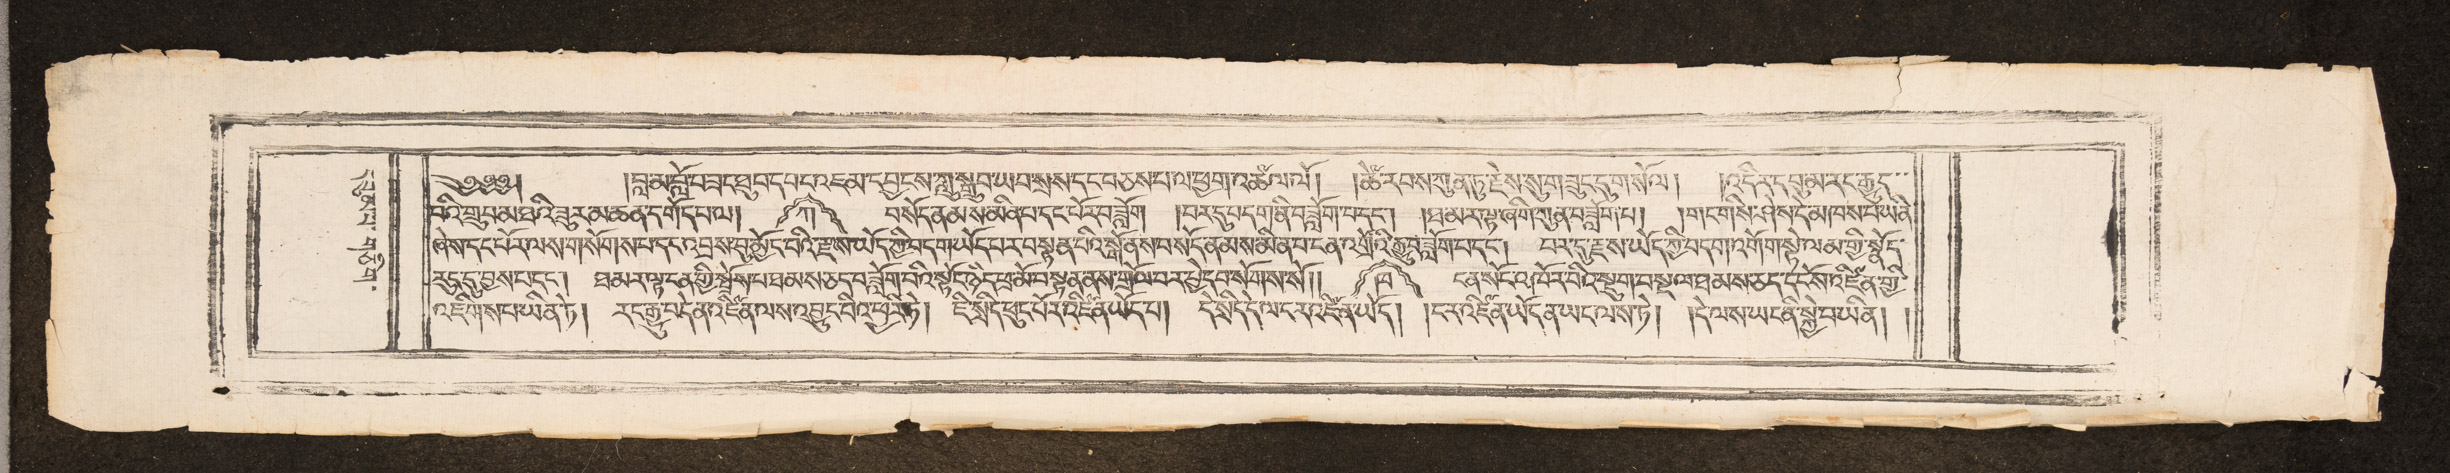༄༅༅། །བླ་མ་བློ་བཟང་ཐུབ་དབང་འཇམ་དབྱངས་ཀླུ་སྒྲུབ་ཡབ་སྲས་དང་བཅས་པ་ལ་ཕྱག་འཚལ་ལོ། །ཚེ་རབས་ཀུན་ཏུ་རྗེས་སུ་གཟུང་དུ་གསོལ། །འདིར་དབུམ་རང་རྒྱུད་
པའི་གྲུབ་མཐའི་ཟུར་མཆན་དགོད་པ་ལ། ༼༽ཀ༼༽ བསོད་ནམས་མིན་པ་དང་པོར་བཟློག །བར་དུ་བདག་ནི་བཟློག་པ་དང་། །ཐ་མར་ལྟ་ཞིག་ཀུན་བཟློག་པ། །གང་གིས་ཤེས་དེ་མཁས་པ་ཡིན་
ཞེས་དང་པོར་ལས་གསོགས་པ་དང་འབྲས་བུ་མྱོང་བའི་རྫས་ཡོད་ཀྱི་བདག་ཡོད་པར་བསྟན་པའི་སྒོ་ནས་བསྡོད་ནམས་མིན་པ་ངན་འགྲོའི་རྒྱུ་བཟློག་པ་དང་། བར་དུ་རྗས་ཡོད་ཀྱི་བདག་འགོག་སྟེ་ལམ་གྱི་སྣོད་
རུང་དུ་བྱས་པ་དང་། ཐ་མར་ལྟ་ངན་གྱི་སྤྲོས་པ་ཐམས་ཅད་བཟློག་པའི་སྟོང་ཉིད་ཕྲ་མོ་བསྟན་ནས་གྲོལ་བར་བྱེད་པ་སོགས་སོ།། ༼༽ཁ༼༽ ངན་སོང་འཁོར་བའི་སྡུག་བསྔལ་ཐམས་ཅད་དངོས་འཛིན་གྱི་
འཇིགས་པ་ཡིན་ཏེ། རང་རྒྱུ་བདེན་འཛིན་ལས་འབྱུང་བའི་ཕྱིར་ཏེ། ཇི་སྲིད་ཕུང་པོར་འཛིན་ཡོད་པ། དེ་སྲིད་དེ་ལང་ར་འཛིན་ཡོད། །ངར་འཛིན་ཡོད་ན་ཡང་ལས་ཏེ། །དེ་ལས་ཡང་ནི་སྐྱེ་བ་ཡིན། །